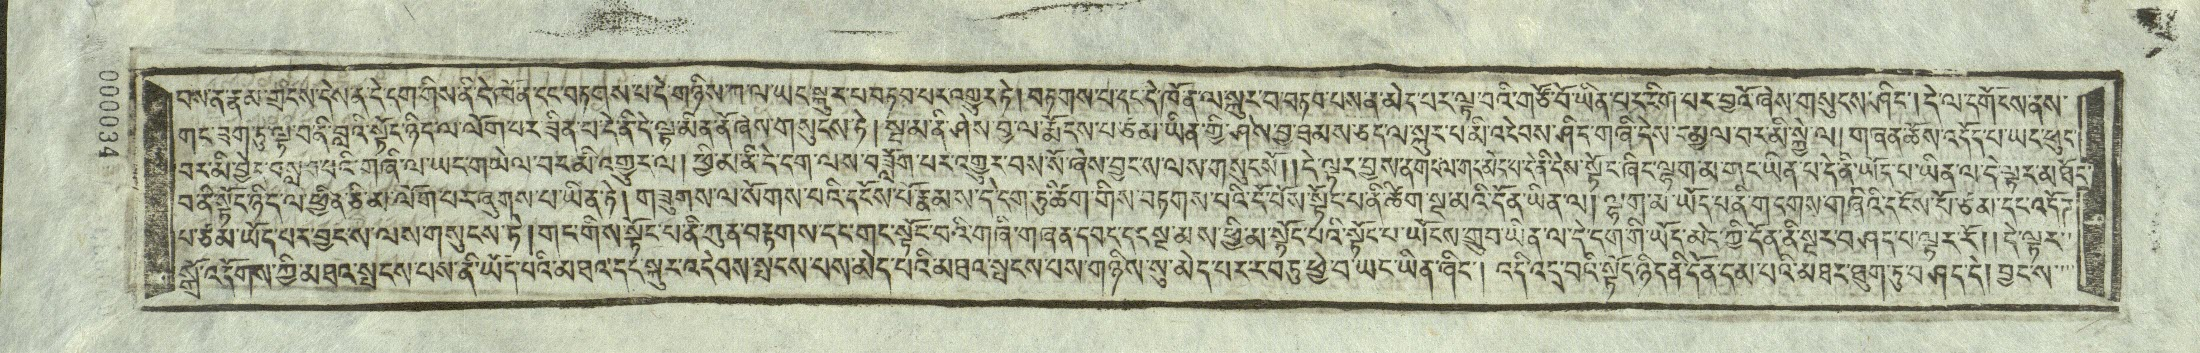བས་ན་རྣམ་གྲངས་དེས་ན་དེ་དག་གིས་ནི་དེ་ཁོ་ན་དང་བཏགས་པ་དེ་གཉིས་ཀ་ལ་ཡང་སྐུར་པ་བཏབ་པར་འགྱུར་ཏེ། བཏགས་པ་དང་དེ་ཁོ་ན་ལ་སྐུར་བ་བཏབ་བས་ན་མེད་པར་ལྟ་བའི་གཙོ་བོ་ཡིན་པར་རིག་པར་བྱའོ་ཞེས་གསུངས་ཤིང་། དེ་ལ་དགོངས་ནས་
གང་ཟག་ཏུ་ལྟ་བ་ནི་བླའི་སྟོང་ཉིད་ལ་ལོག་པར་ཟིན་པ་དེ་ནི་དེ་ལྟ་མིན་ནོ་ཞེས་གསུངས་ཏེ། སྔ་མ་ནི་ཤེས་བྱ་ལ་རྨོངས་པ་ཙམ་ཡིན་གྱི་ཤེས་བྱ་ཐམས་ཅད་ལ་སྐུར་པ་མི་འདེབས་ཤིང་གཞི་དེས་དམྱལ་བར་མི་སྐྱེ་ལ། གཞན་ཆོས་འདོད་པ་ཡང་ཕུང་
བར་མི་བྱེད་བསླབ་པའི་གཞི་ལ་ཡང་གཡེལ་བར་མི་འགྱུར་ལ། ཕྱི་མ་ནི་དེ་དག་ལས་བཟློག་པར་འགྱུར་བས་སོ་ཞེས་བྱང་ས་ལས་གསུངས་སོ། །དེ་ལྟར་བྱས་ན་གང་ལ་གང་མེད་པ་དེ་ནི་དེས་སྟོང་ཞིང་ལྷག་མ་གང་ཡིན་པ་དེ་ནི་ཡོད་པ་ཡིན་ལ་དེ་ལྟར་མཐོང་
བ་ནི་སྟོང་ཉིད་ལ་ཕྱིན་ཅི་མ་ལོག་པར་ཞུགས་པ་ཡིན་ཏེ། གཟུགས་ལ་སོགས་པའི་དངོས་པོ་རྣམས་དེ་དག་ཏུ་ཚིག་གིས་བཏགས་པའི་ངོ་བོས་སྟོང་པ་ནི་ཚིག་སྔ་མའི་དོན་ཡིན་ལ། ལྷག་མ་ཡོད་པ་ནི་གདགས་གཞིའི་དངོས་པོ་ཙམ་དང་འདོགས་
པ་ཙམ་ཡོད་པར་བྱང་ས་ལས་གསུངས་ཏེ། གང་གིས་སྟོང་པ་ནི་ཀུན་བརྟགས་དང་གང་སྟོང་པའི་གཞི་གཞན་དབང་དང་སྔ་མས་ཕྱི་མ་སྟོང་པའི་སྟོང་པ་ཡོངས་གྲུབ་ཡིན་ལ་དེ་དག་གི་ཡོད་མེད་ཀྱི་དོན་ནི་སྔར་བཤད་པ་ལྟར་རོ། །དེ་ལྟར་
སྒྲོ་འདོགས་ཀྱི་མཐའ་སྤངས་པས་ནི་ཡོད་པའི་མཐའ་དང་སྐུར་འདེབས་སྤངས་པས་མེད་པའི་མཐའ་སྤངས་པས་གཉིས་སུ་མེད་པར་རབ་ཏུ་ཕྱེ་བ་ཡར་ཡིན་ཞིང་། འདི་འདྲ་བའི་སྟོང་ཉིད་ནི་དོན་དམ་པའི་མཐར་ཐུག་ཏུ་བཤད་དེ། བྱང་ས་